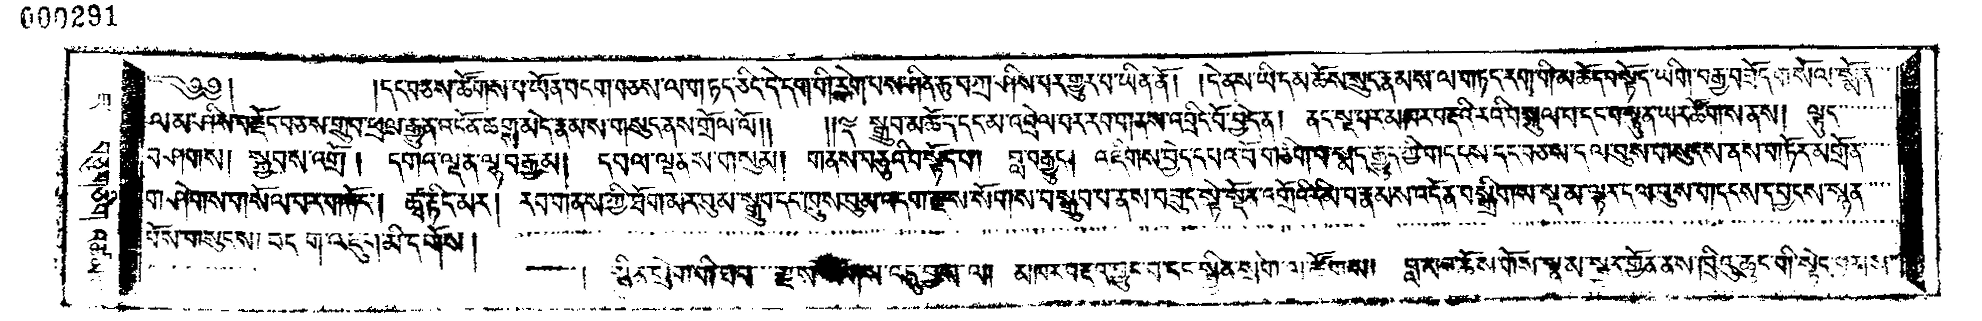༄༅། །དང་བཅས་ཚོགས་པ་ཡོན་བདག་བཅས་ལ་གཏད་ཅིང་དེ་དག་གིས་རེག་པས་ཤིན་ཏུ་བཀྲ་ཤིས་པར་གྱུར་པ་ཡིན་ནོ། །དེ་ནས་ཡི་དམ་ཆོས་སྲུང་རྣམས་ལ་གཏང་རག་གི་མཆོད་བསྟོད་ཡིག་བརྒྱ་བཟོད་གསོལ་སྨོན་
ལམ་ཤིས་བརྗོད་བཅས་གྲུབ་ཕྲལ་རྒྱུན་འདོན་ཆགས་མེད་རྣམས་གསུང་ནས་གྲོལ་ལོ།། །། ༈ སྒྲུབ་མཆོད་དང་མ་འབྲེལ་བར་རབ་གནས་འབྲིང་པོ་བྱེད་ན། ནང་སྔ་པར་མཁར་བརྡའི་རའི་བསྐུལ་པ་དང་བསྟུན་ཡར་ཚོགས་ནས། ལྟུང་
བཤགས། སྐྱབས་འགྲོ། དགའ་ལྡན་ལྷ་བརྒྱ་མ། དཔལ་ལྡན་ས་གསུམ། གནས་བཅུའི་བསྟོད་པ། བླ་བརྒྱུད། འཇིགས་བྱེད་དཔའ་བོ་གཅིག་བ་སྨད་རྒྱུད་ཀྱི་གདངས་དང་བཅས་དལ་བུས་གསུངས་ནས་གཏོར་མགྲོན་
གཤེགས་གསོལ་བར་གཏོང་། ཚྭ་རྟིང་མར། རབ་གནས་ཀྱི་ཐོག་མར་བུམ་སྒྲུབ་དང་ཁྲུས་བུམ་འདག་རྫས་སོགས་བསྒྲུབ་པ་ནས་བཟུང་སྟེ་སྔོན་འགྲོའི་རིམ་པ་རྣམས་འདོན་བསྒྲིགས་སྔ་མ་ལྟར་དལ་བུས་གདངས་དབྱངས་སྙན་
པོས་གསུངས། བདག་འཇུག་མི་དགོས།
།སྦྱིན་སྲེག་གི་ཐབ་རྫས་སོགས་འདུ་བྱས་ལ། མཁར་བརྡའ་བྱུང་བ་དང་སྦྱིན་སྲེག་ལ་ཚོགས། བླ་མས་ཆོས་གོས་སྣམ་སྦྱར་གྱོན་ནས་ཁྲིའུ་ཆུང་གི་སྟེང་བྱམས་